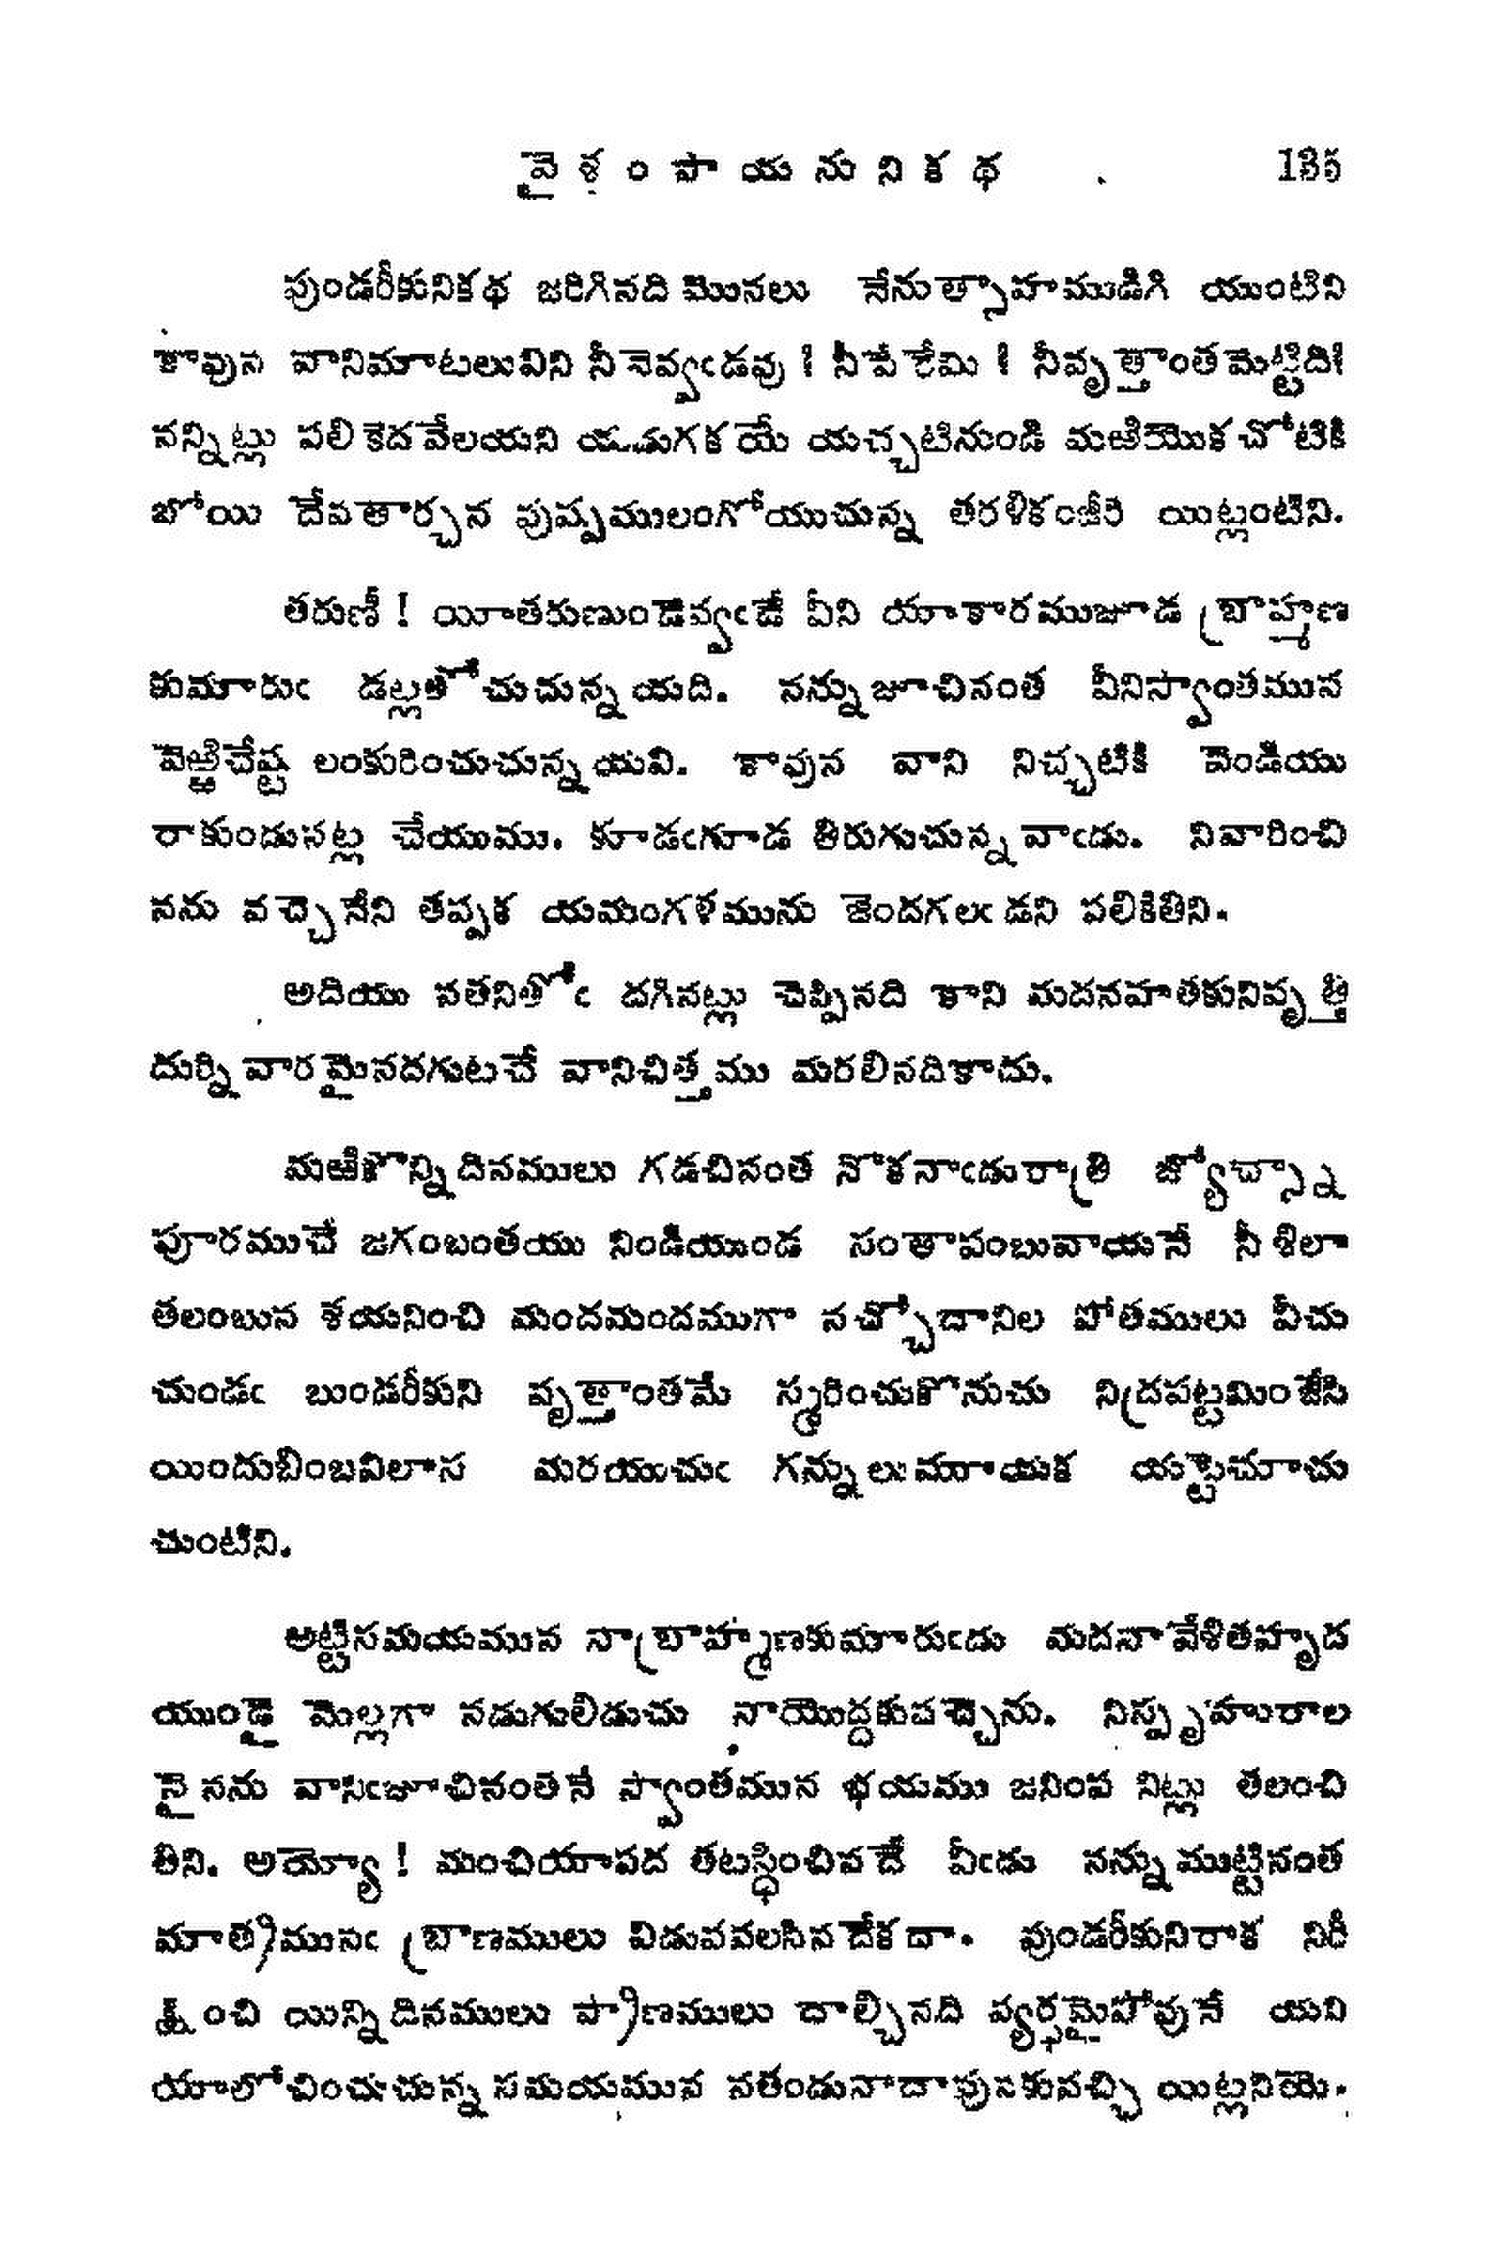పుండరీకునికథ జరిగినది మొనలు నేనుత్సాహముడిగి యుంటిని కావున వానిమాటలువిని నీవెవ్వఁడవు? నీపేరేమి? నీవృత్తాంతమెట్టిది? నన్నిట్లు పలికెదవేలయని యడుగకయే యచ్చటినుండి మఱియొక చోటికి బోయి దేవతార్చన పుష్పములంగోయుచున్న తరళికంజీరి యిట్లంటిని.

తరుణీ! యీతరుణండెవ్వఁడే వీని యాకారముజూడ బ్రాహ్మణకుమారుఁ డట్లతోచుచున్నయది. నన్నుజూచినంత వీనిస్వాంతమున వెఱ్ఱిచేష్ట లంకురించుచున్నయవి. కావున వాని నిచ్చటికి వెండియు రాకుండునట్లు చేయుము. కూడఁగూడ తిరుగుచున్నవాఁడు. నివారించి నను వచ్చెనేని తప్పక యమంగళమును జెందగలఁ డని పలికితిని.

అదియు నతనితోఁ దగినట్లు చెప్పినది కాని మదనహతకునివృత్తి దుర్నివారమైనదగుటచే వానిచిత్తము మరలినదికాదు.

మఱికొన్నిదినములు గడచినంత నొకనాఁడురాత్రి జ్యోచ్స్నాపూరముచే జగంబంతయు నిండియుండ సంతాపంబువాయనే నీశిలా తలంబున శయనించి మందమందముగా నచ్చోదానిల పోతములు వీచుచుండఁ బుండరీకుని వృత్తాంతమే స్మరించుకొనుచు నిద్రపట్టమింజేసి యిందుబింబవిలాస మరయుచుఁ గన్నులుమూయక యట్టెచూచుచుంటిని.

అట్టిసమయమున నాబ్రాహ్మణకుమారుఁడు మదనావేశితహృదయుండై మెల్లగా నడుగులిడుచు నాయొద్దకువచ్చెను. నిస్పృహురాలనైనను వానిఁజూచినంతనే స్వాంతమున భయము జనింప నిట్లు తలంచితిని. అయ్యో! మంచియాపద తటస్థించినదే వీఁడు నన్నుముట్టినంత మాత్రమునఁ బ్రాణములు విడువవలసినదేకదా. పుండరీకునిరాక నిరీక్షించి యిన్నిదినములు ప్రాణములు దాల్చినది వ్యర్థమైపోవునే యని యాలోచించుచున్న సమయమున నతండునాదాపునకువచ్చి యిట్లనియె.